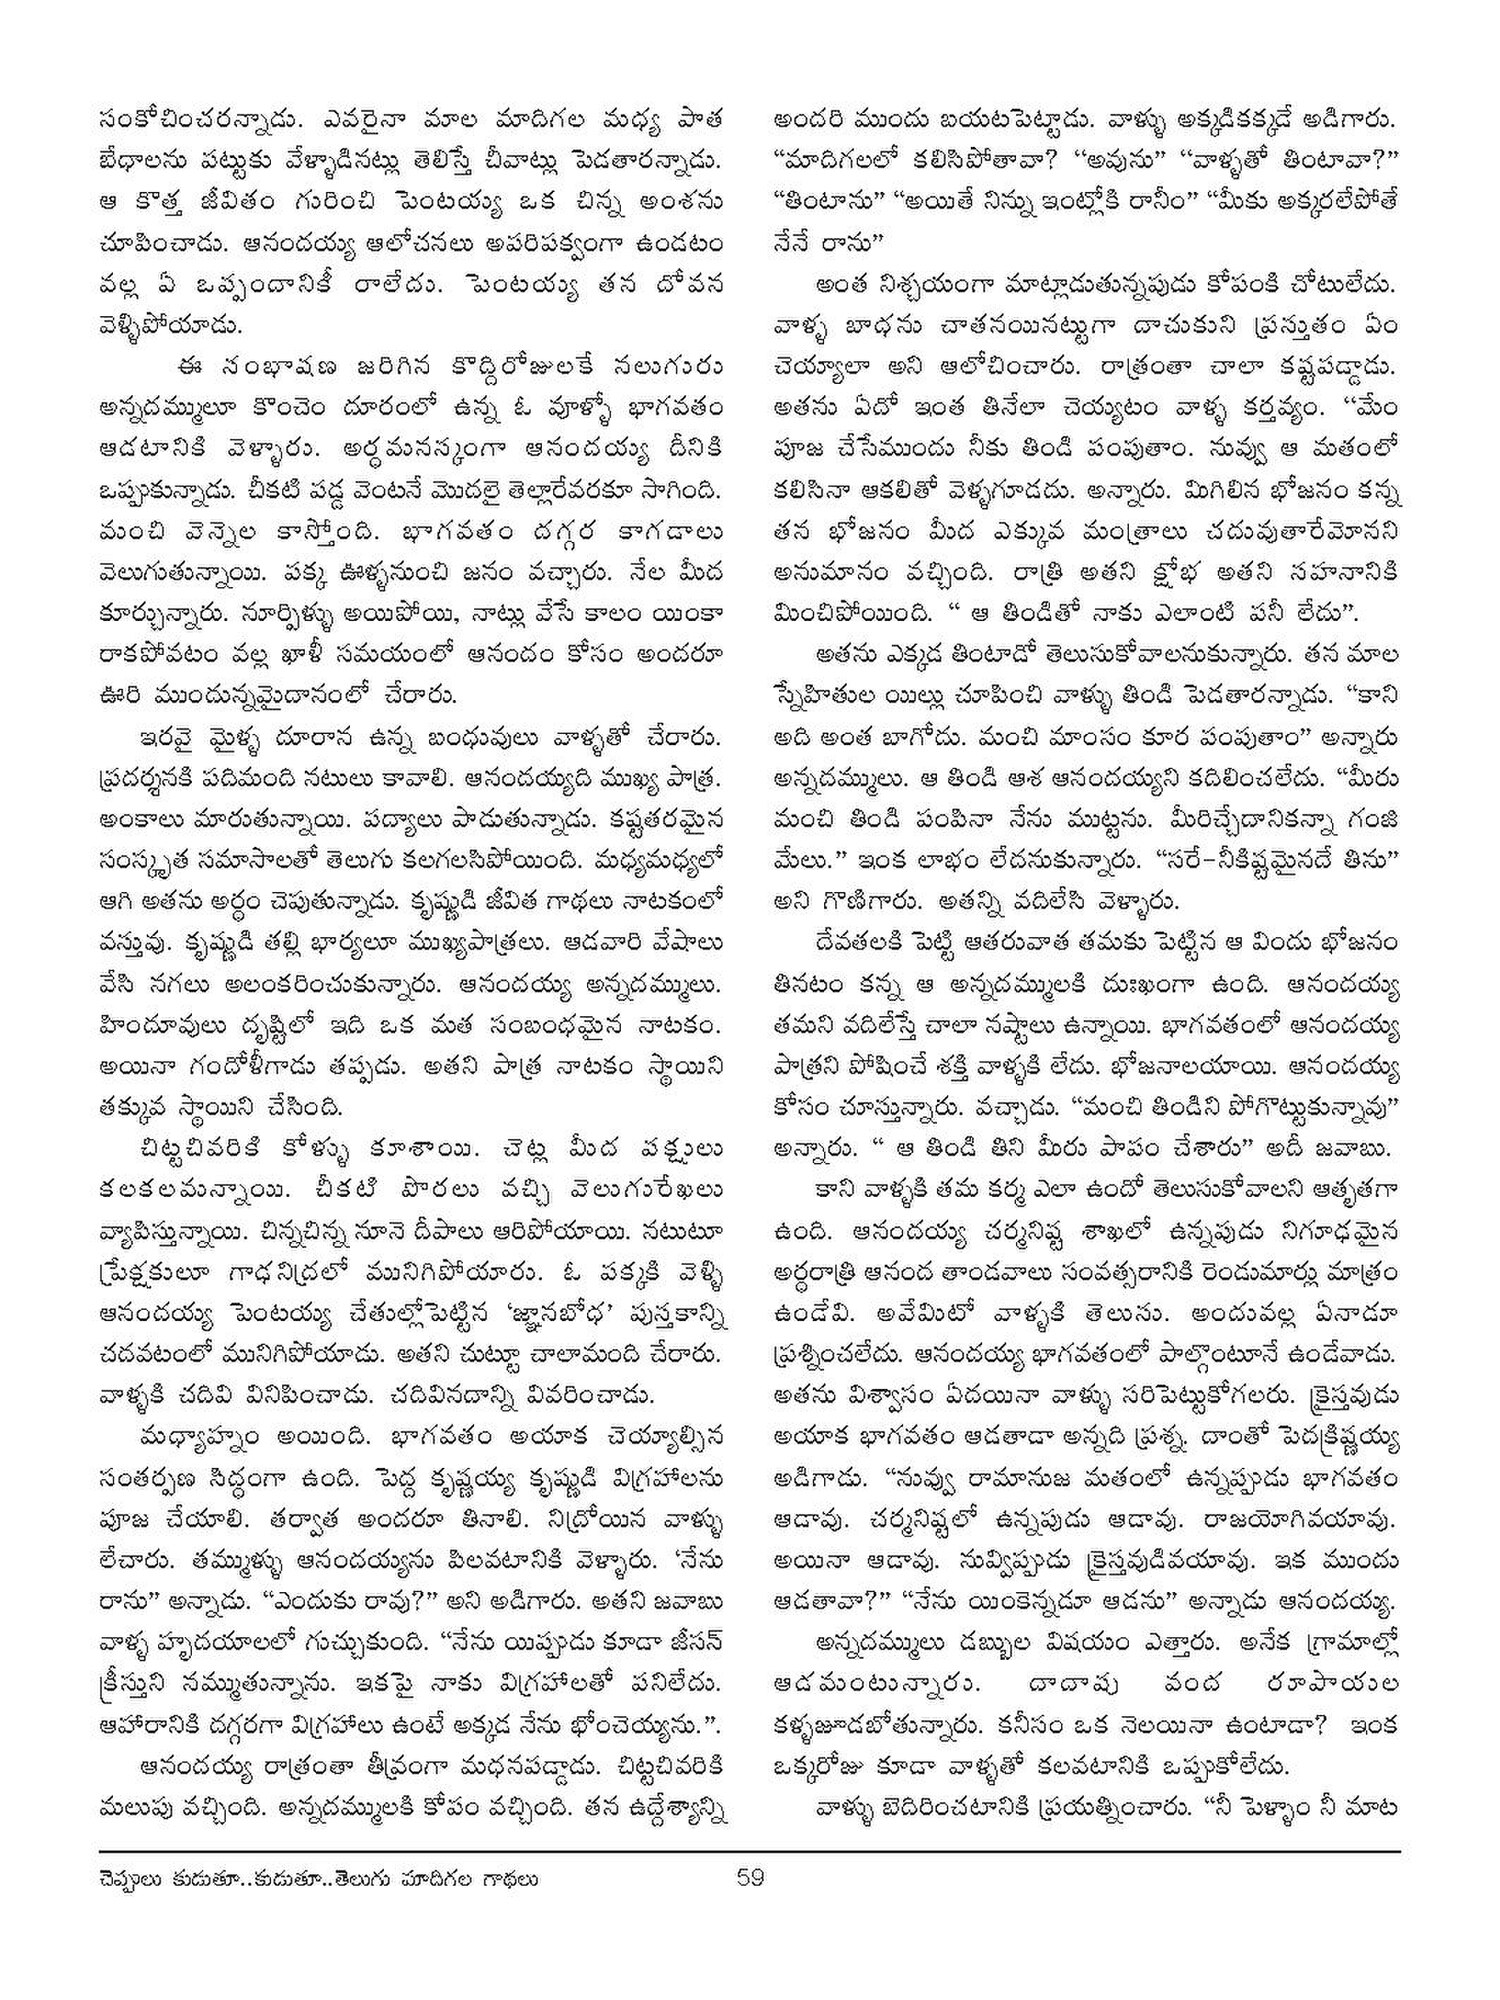సంకోచించరన్నాడు. ఎవరైనా మాల మాదిగల మధ్య పాత బేధాలను పట్టుకు వేళ్ళాడినట్లు తెలిస్తే చీవాట్లు పెడతారన్నాడు. ఆ కొత్త జీవితం గురించి పెంటయ్య ఒక చిన్న అంశను చూపించాడు. ఆనందయ్య ఆలోచనలు అపరిపక్వంగా ఉండటం వల్ల ఏ ఒప్పందానికి రాలేదు. పెంటయ్య తన దోవన వెళ్ళిపోయాడు.

ఈ సంభాషణ జరిగిన కొద్దిరోజులకే నలుగురు అన్నదమ్ములూ కొంచెం దూరంలో ఉన్న ఓ వూళ్ళో భాగవతం
ఆడటానికి వెళ్ళారు. అర్థమనస్కంగా ఆనందయ్య దీనికి ఒప్పుకున్నాడు. చీకటి పడ్డ వెంటనే మొదలై తెల్లారేవరకూ సాగింది. మంచి వెన్నెల కాస్తోంది. భాగవతం దగ్గర కాగడాలు వెలుగుతున్నాయి. పక్క ఊళ్ళనుంచి జనం వచ్చారు. నేల మీద కూర్చున్నారు. నూర్పిళ్ళు అయిపోయి, నాట్లు వేసే కాలం యింకా
రాకపోవటం వల్ల ఖాళీ సమయంలో ఆనందం కోసం అందరూ ఊరి ముందున్నమైదానంలో చేరారు.

ఇరవై మైళ్ళ దూరాన ఉన్న బంధువులు వాళ్ళతో చేరారు. ప్రదర్శనకి పదిమంది నటులు కావాలి. ఆనందయ్యది ముఖ్య పాత్ర. అంకాలు మారుతున్నాయి. పద్యాలు పాడుతున్నాడు. కష్టతరమైన
సంస్కృత సమాసాలతో తెలుగు కలగలసిపోయింది. మధ్యమధ్యలో ఆగి అతను అర్ధం చెపుతున్నాడు. కృష్ణుడి జీవిత గాథలు నాటకంలో వస్తువు. కృష్ణుడి తల్లి భార్యలు ముఖ్యపాత్రలు, ఆడవారి వేషాలు
వేసి నగలు అలంకరించుకున్నారు. ఆనందయ్య అన్నదమ్ములు. హిందూవులు దృష్టిలో ఇది ఒక మత సంబంధమైన నాటకం. అయినా గందోళీగాడు తప్పడు. అతని పాత్ర నాటకం స్థాయిని తక్కువ స్థాయిని చేసింది.

చిట్టచివరికి కోళ్ళు కూశాయి. చెట్ల మీద పక్షులు కలకలమన్నాయి. చీకటి పొరలు వచ్చి వెలుగురేఖలు
వ్యాపిస్తున్నాయి. చిన్నచిన్న నూనె దీపాలు ఆరిపోయాయి. నటుటూ ప్రేక్షకులూ గాఢనిద్రలో మునిగిపోయారు. ఓ పక్కకి వెళ్ళి ఆనందయ్య పెంటయ్య చేతుల్లోపెట్టిన 'జ్ఞానబోధ' పుస్తకాన్ని చదవటంలో మునిగిపోయాడు. అతని చుట్టు చాలామంది చేరారు. వాళ్ళకి చదివి వినిపించాడు. చదివినదాన్ని వివరించారు.

మధ్యాహ్నం అయింది. భాగవతం అయాక చెయ్యాల్సిన సంతర్పణ సిద్ధంగా ఉంది. పెద్ద కృష్ణయ్య కృష్ణుడి విగ్రహాలను పూజ చేయాలి. తర్వాత అందరూ తినాలి. నిద్రోయిన వాళ్ళు లేచారు. తమ్ముళ్ళు ఆనందయ్యను పిలవటానికి వెళ్ళారు. 'నేను రాను” అన్నాడు. “ఎందుకు రావు?" అని అడిగారు. అతని జవాబు వాళ్ళ హృదయాలలో గుచ్చుకుంది. "నేను యిప్పుడు కూడా జీసస్ క్రీస్తుని నమ్ముతున్నాను. ఇకపై నాకు విగ్రహాలతో పనిలేదు. ఆహారానికి దగ్గరగా విగ్రహాలు ఉంటే అక్కడ నేను భోంచెయ్యను.”

ఆనందయ్య రాత్రంతా తీవ్రంగా మధనపడ్డాడు. చిట్టచివరికి మలుపు వచ్చింది. అన్నదమ్ములకి కోపం వచ్చింది. తన ఉద్దేశ్యాన్ని అందరి ముందు బయటపెట్టాడు. వాళ్ళు అక్కడికక్కడే అడిగారు. "మాదిగలలో కలిసిపోతావా? "అవును" "వాళ్ళతో తింటావా?" “తింటాను” “అయితే నిన్ను ఇంట్లోకి రానీం” “మీకు అక్కరలేపోతే నేనే రాను”.

అంత నిశ్చయంగా మాట్లాడుతున్నపుడు కోపంకి చోటులేదు. వాళ్ళ బాధను చాతనయినట్టుగా దాచుకుని ప్రస్తుతం ఏం చెయ్యాలా అని ఆలోచించారు. రాత్రంతా చాలా కష్టపడ్డాడు. అతను ఏదో ఇంత తినేలా చెయ్యటం వాళ్ళ కర్తవ్యం. "మేం పూజ చేసేముందు నీకు తిండి పంపుతాం. నువ్వు ఆ మతంలో
కలిసినా ఆకలితో వెళ్ళగూడదు. అన్నారు. మిగిలిన భోజనం కన్న తన భోజనం మీద ఎక్కువ మంత్రాలు చదువుతారేమోనని అనుమానం వచ్చింది. రాత్రి అతని క్షోభ అతని సహనానికి మించిపోయింది. ఆ తిండితో నాకు ఎలాంటి పనీ లేదు”.

అతను ఎక్కడ తింటాడో తెలుసుకోవాలనుకున్నారు. తన మాల స్నేహితుల యిల్లు చూపించి వాళ్ళు తిండి పెడతారన్నాడు. "కాని అది అంత బాగోదు. మంచి మాంసం కూర పంపుతాం" అన్నారు. అన్నదమ్ములు. ఆ తిండి ఆశ ఆనందయ్యని కదిలించలేదు. "మీరు మంచి తిండి పంపినా నేను ముట్టను. మీరిచ్చేదానికన్నా గంజి మేలు." ఇంక లాభం లేదనుకున్నారు. "సరే నీకిష్టమైనదే తిను" 
అని గొణిగారు. అతన్ని వదిలేసి వెళ్ళారు.

దేవతలకి పెట్టి ఆతరువాత తమకు పెట్టిన ఆ విందు భోజనం తినటం కన్న ఆ అన్నదమ్ములకి దుఃఖంగా ఉంది. ఆనందయ్య తమని వదిలేస్తే చాలా నష్టాలు ఉన్నాయి. భాగవతంలో ఆనందయ్య పాత్రని పోషించే శక్తి వాళ్ళకి లేదు. భోజనాలయాయి. ఆనందయ్య కోసం చూస్తున్నారు. వచ్చాడు. "మంచి తిండిని పోగొట్టుకున్నావు?" అన్నారు. "ఆ తిండి తిని మీరు పాపం చేశారు” అదీ జవాబు.

కాని వాళ్ళకి తమ కర్మ ఎలా ఉందో తెలుసుకోవాలని ఆతృతగా ఉంది. ఆనందయ్య చర్మనిష్ట శాఖలో ఉన్నపుడు నిగూఢమైన అర్ధరాత్రి ఆనంద తాండవాలు సంవత్సరానికి రెండుమార్లు మాత్రం ఉండేవి. అవేమిటో వాళ్ళకి తెలుసు. అందువల్ల ఏనాడూ ప్రశ్నించలేదు. ఆనందయ్య భాగవతంలో పాల్గొంటూనే ఉండేవాడు. అతను విశ్వాసం ఏదయినా వాళ్ళు సరిపెట్టుకోగలరు. క్రైస్తవుడు అయాక భాగవతం ఆడతాడా అన్నది ప్రశ్న. దాంతో పెదక్రిష్ణయ్య అడిగాడు. “నువ్వు రామానుజ మతంలో ఉన్నప్పుడు భాగవతం ఆడావు. చర్మనిష్టలో ఉన్నపుడు ఆడావు. రాజయోగివయావు. అయినా ఆడావు. నువ్విప్పుడు క్రైస్తవుడివయావు. ఇక ముందు ఆడతావా?" "నేను యింకెన్నడూ ఆడను" అన్నాడు ఆనందయ్య.

అన్నదమ్ములు డబ్బుల విషయం ఎత్తారు. అనేక గ్రామాల్లో ఆడమంటున్నారు. దాదాపు వంద రూపాయల
కళ్ళజూడబోతున్నారు. కనీసం ఒక నెలయినా ఉంటాడా? ఇంక ఒక్కరోజు కూడా వాళ్ళతో కలవటానికి ఒప్పుకోలేదు.

వాళ్ళు బెదిరించటానికి ప్రయత్నించారు. "నీ పెళ్ళాం నీ మాట